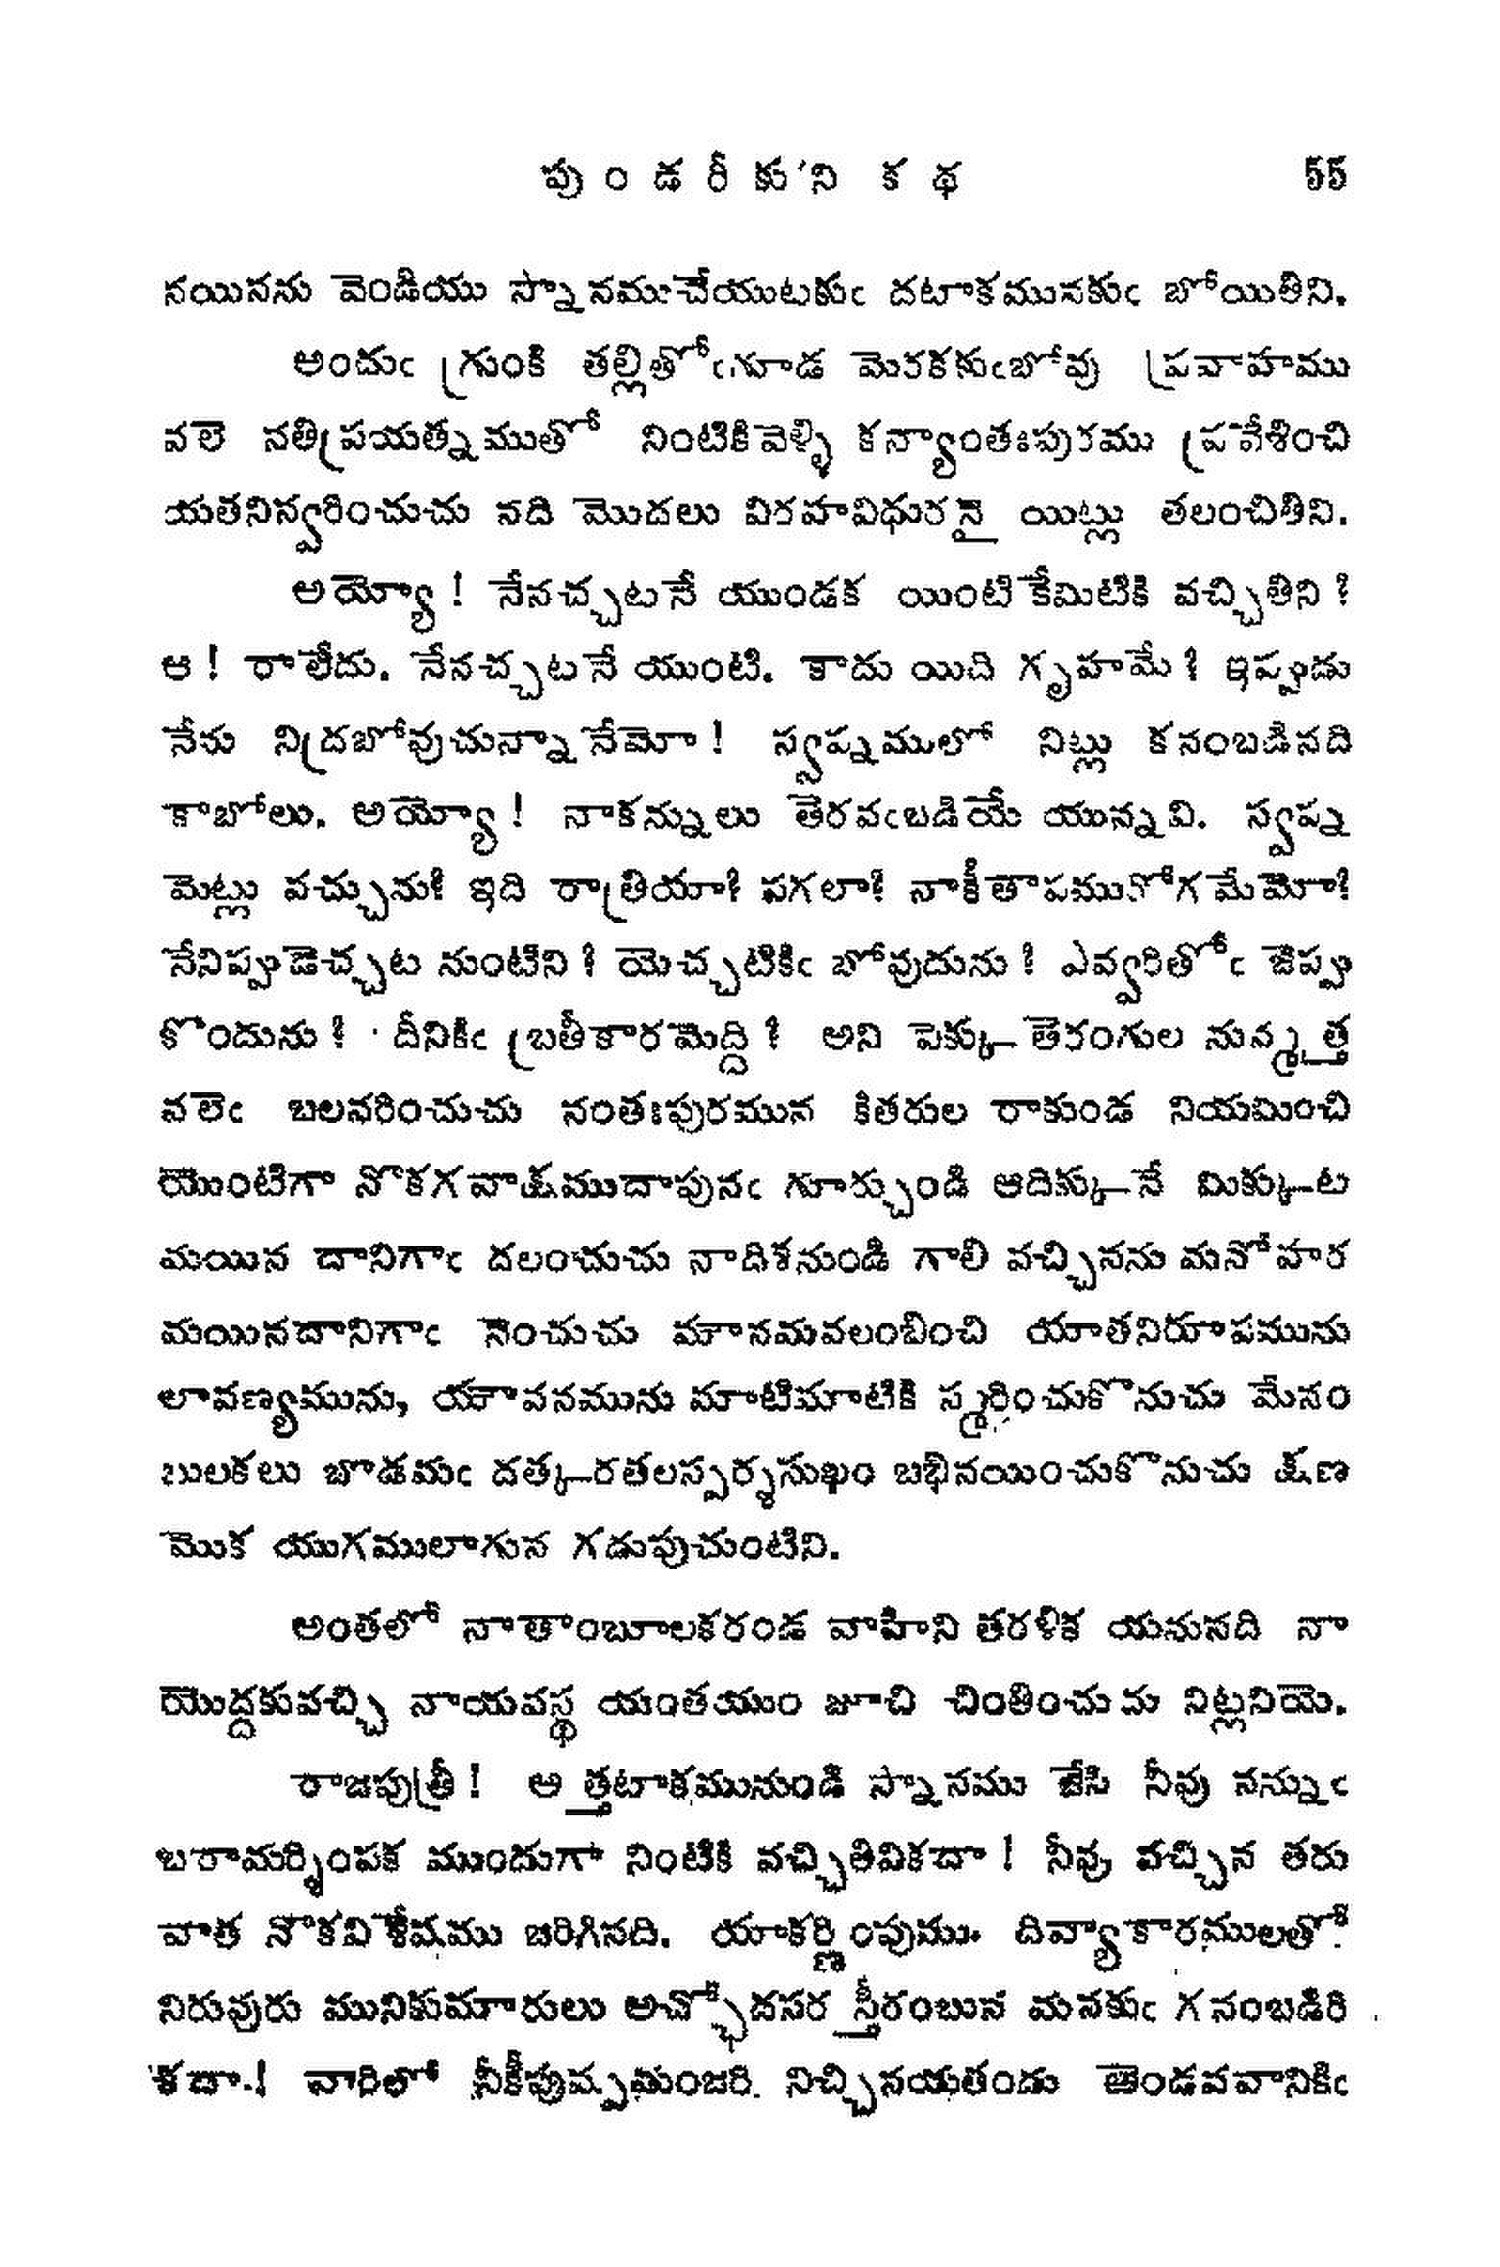నయినను వెండియు స్నానముచేయుటకుఁ దటాకమునకుఁ బోయితిని.

అందుఁ గ్రుంకి తల్లితోఁగూడ మెరైకకుఁబోవు ప్రవాహము వలె నతిప్రయత్నముతో నింటికివెళ్ళి కన్యాంతఃపురము ప్రవేశించి యతనిన్వరించుచు నది మొదలు విరహవిధురనై యిట్లు తలంచితిని.?

అయ్యో! నేనచ్చటనే యుండక యింటి కేమిటికి వచ్చితిని? ఆ! రాలేదు. నేనచ్చటనే యుంటి. కాదు యిది గృహమే? ఇప్పుడు నేను నిద్రబోవుచున్నానేమో! స్వప్నములో నిట్లు కనంబడినది కాబోలు. అయ్యో! నాకన్నులు తెరవఁబడియే యున్నవి. స్వప్న మెట్లు వచ్చును? ఇది రాత్రియా? పగలా? నాకీతాపమురోగమేమో? నేనిప్పుడెచ్చట నుంటిని? యెచ్చటికిఁ బోవుదును? ఎవ్వరితోఁ జెప్పుకొందును? దీనికిఁ బ్రతీకారమెద్ది? అని పెక్కు తెరంగుల నున్మత్తవలెఁ బలవరించుచు నంతఃపురమున కితరుల రాకుండ నియమించి యొంటిగా నొకగవాక్షముదాపునఁ గూర్చుండి ఆదిక్కునే మిక్కుటమయిన దానిగాఁ దలంచుచు నాదిశనుండి గాలి వచ్చినను మనోహరమయినదానిగాఁ నెంచుచు మౌనమవలంబించి యాతనిరూపమును లావణ్యమును, యౌవనమును మాటిమాటికి స్మరించుకొనుచు మేనం బులకలు బొడమఁ దత్కరతలస్పర్శసుఖం బభినయించుకొనుచు క్షణ మొక యుగములాగున గడుపుచుంటిని.

అంతలో నాతాంబూలకరండ వాహిని తరళిక యనునది నా యొద్దకువచ్చి నాయవస్థ యంతయుం జూచి చింతించుచు నిట్లనియె.

రాజపుత్రీ! అత్తటాకమునుండి స్నానము జేసి నీవు నన్నుఁ బరామర్శింపక ముందుగా నింటికి వచ్చితివికదా! నీవు వచ్చిన తరువాత నొకవిశేషము జరిగినది. యాకర్ణింపుము. దివ్యాకారములతో నిరువురు మునికుమారులు అచ్ఛోదసరస్తీరంబున మనకుఁ గనంబడిరి కదా! వారితో నీకీపుష్పమంజరి నిచ్చినయతండు ఱెండవవానికిఁ